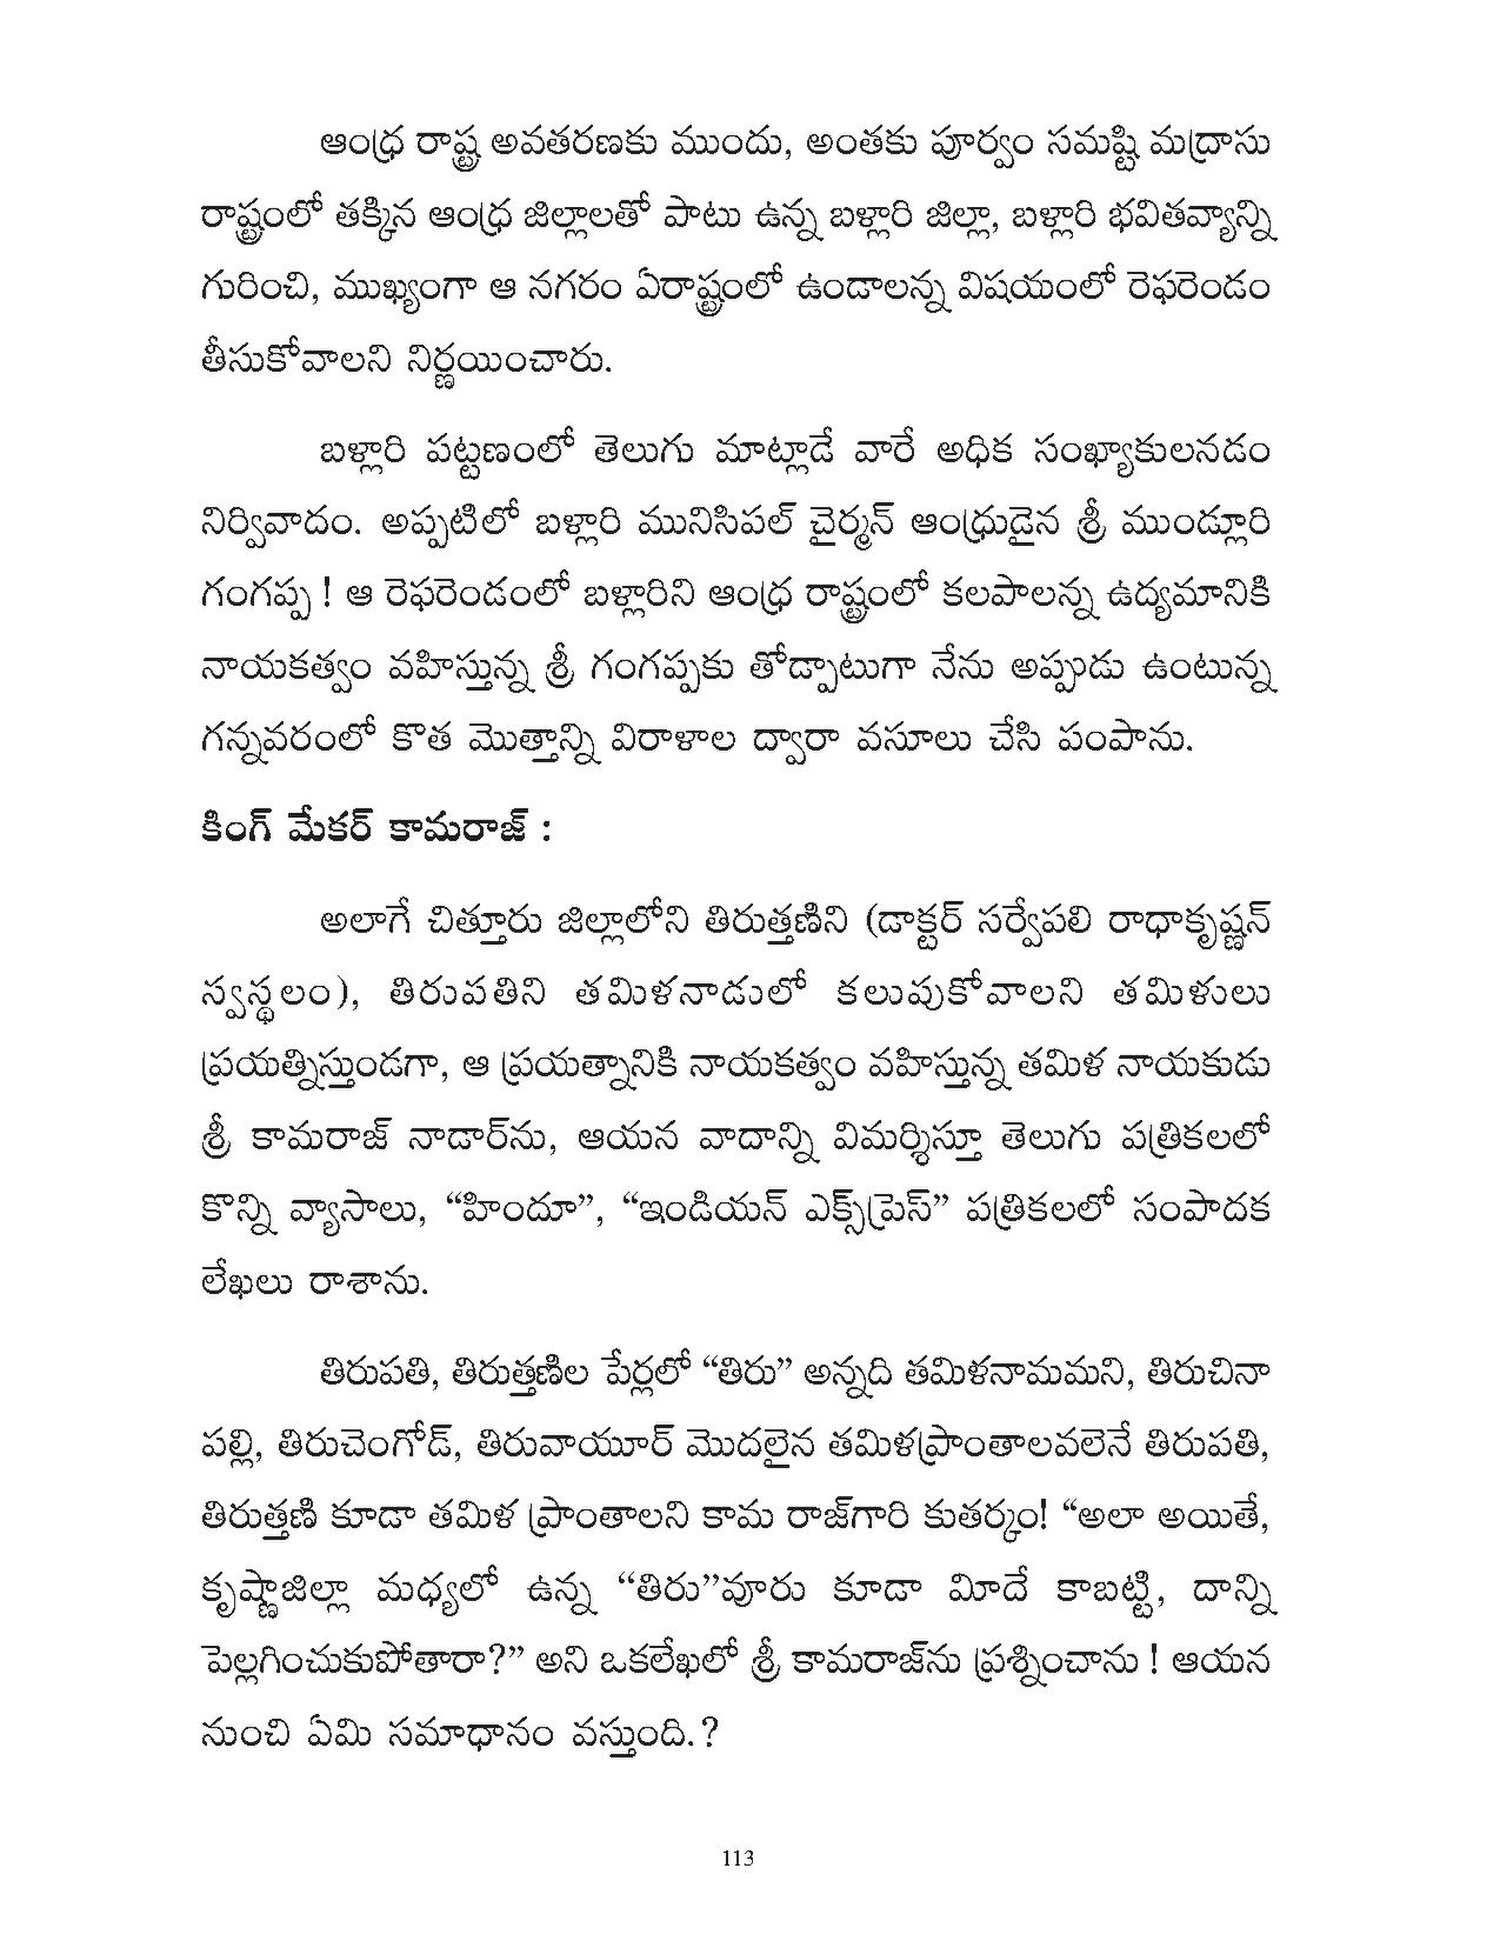ఆంధ్ర రాష్ట్ర అవతరణకు ముందు, అంతకు పూర్వం సమష్టి మద్రాసు
రాష్ట్రంలో తక్కిన ఆంధ్ర జిల్లాలతో పాటు ఉన్న బళ్లారి జిల్లా, బళ్లారి భవితవ్యాన్ని
గురించి, ముఖ్యంగా ఆ నగరం ఏరాష్ట్రంలో ఉండాలన్న విషయంలో రెఫరెండం
తీసుకోవాలని నిర్ణయించారు.

బళ్లారి పట్టణంలో తెలుగు మాట్లాడే వారే అధిక సంఖ్యాకులనడం
నిర్వివాదం. అప్పటిలో బళ్లారి మునిసిపల్‌ చైర్మన్‌ ఆంధ్రుడైన శ్రీ ముండ్లూరి
గంగప్ప ! ఆ రెఫరెండంలో బళ్లారిని ఆంధ్ర రాష్ట్రంలో కలపాలన్న ఉద్యమానికి
నాయకత్వం వహిస్తున్న శ్రీ గంగప్పకు తోడ్పాటుగా నేను అప్పుడు ఉంటున్న
గన్నవరంలో కొంత మొత్తాన్ని విరాళాల ద్వారా వసూలు చేసి పంపాను.

కింగ్‌ మేకర్‌ కామరాజ్‌ :

అలాగే చిత్తూరు జిల్లాలోని తిరుత్తణిని (డాక్టర్ సర్వేపలి రాధాకృష్ణన్‌
స్వస్థలం), తిరుపతిని తమిళనాడులో కలుపుకోవాలని తమిళులు
ప్రయత్నిస్తుండగా, ఆ ప్రయత్నానికి నాయకత్వం వహిస్తున్న తమిళ నాయకుడు
శ్రీ కామరాజ్‌ నాడార్‌ను, ఆయన వాదాన్ని విమర్శిస్తూ తెలుగు పత్రికలలో
కొన్ని వ్యాసాలు, "హిందూ", "ఇండియన్‌ ఎక్స్‌ప్రెస్‌" పత్రికలలో సంపాదక
లేఖలు రాశాను.

తిరుపతి, తిరుత్తణిల పేర్లలో "తిరు" అన్నది తమిళనామమని, తిరుచినా
పల్లి, తిరుచెంగోడ్‌, తిరువాయూర్‌ మొదలైన తమిళప్రాంతాలవలెనే తిరుపతి,
తిరుత్తణి కూడా తమిళ ప్రాంతాలని కామరాజ్‌గారి కుతర్కం! "అలా అయితే,
కృష్ణాజిల్లా మధ్యలో ఉన్న "తిరు"వూరు కూడా మీదే కాబట్టి, దాన్ని
పెల్లగించుకుపోతారా?" అని ఒకలేఖలో శ్రీ కామరాజ్‌ను ప్రశ్నించాను ! ఆయన
నుంచి ఏమి సమాధానం వస్తుంది.?